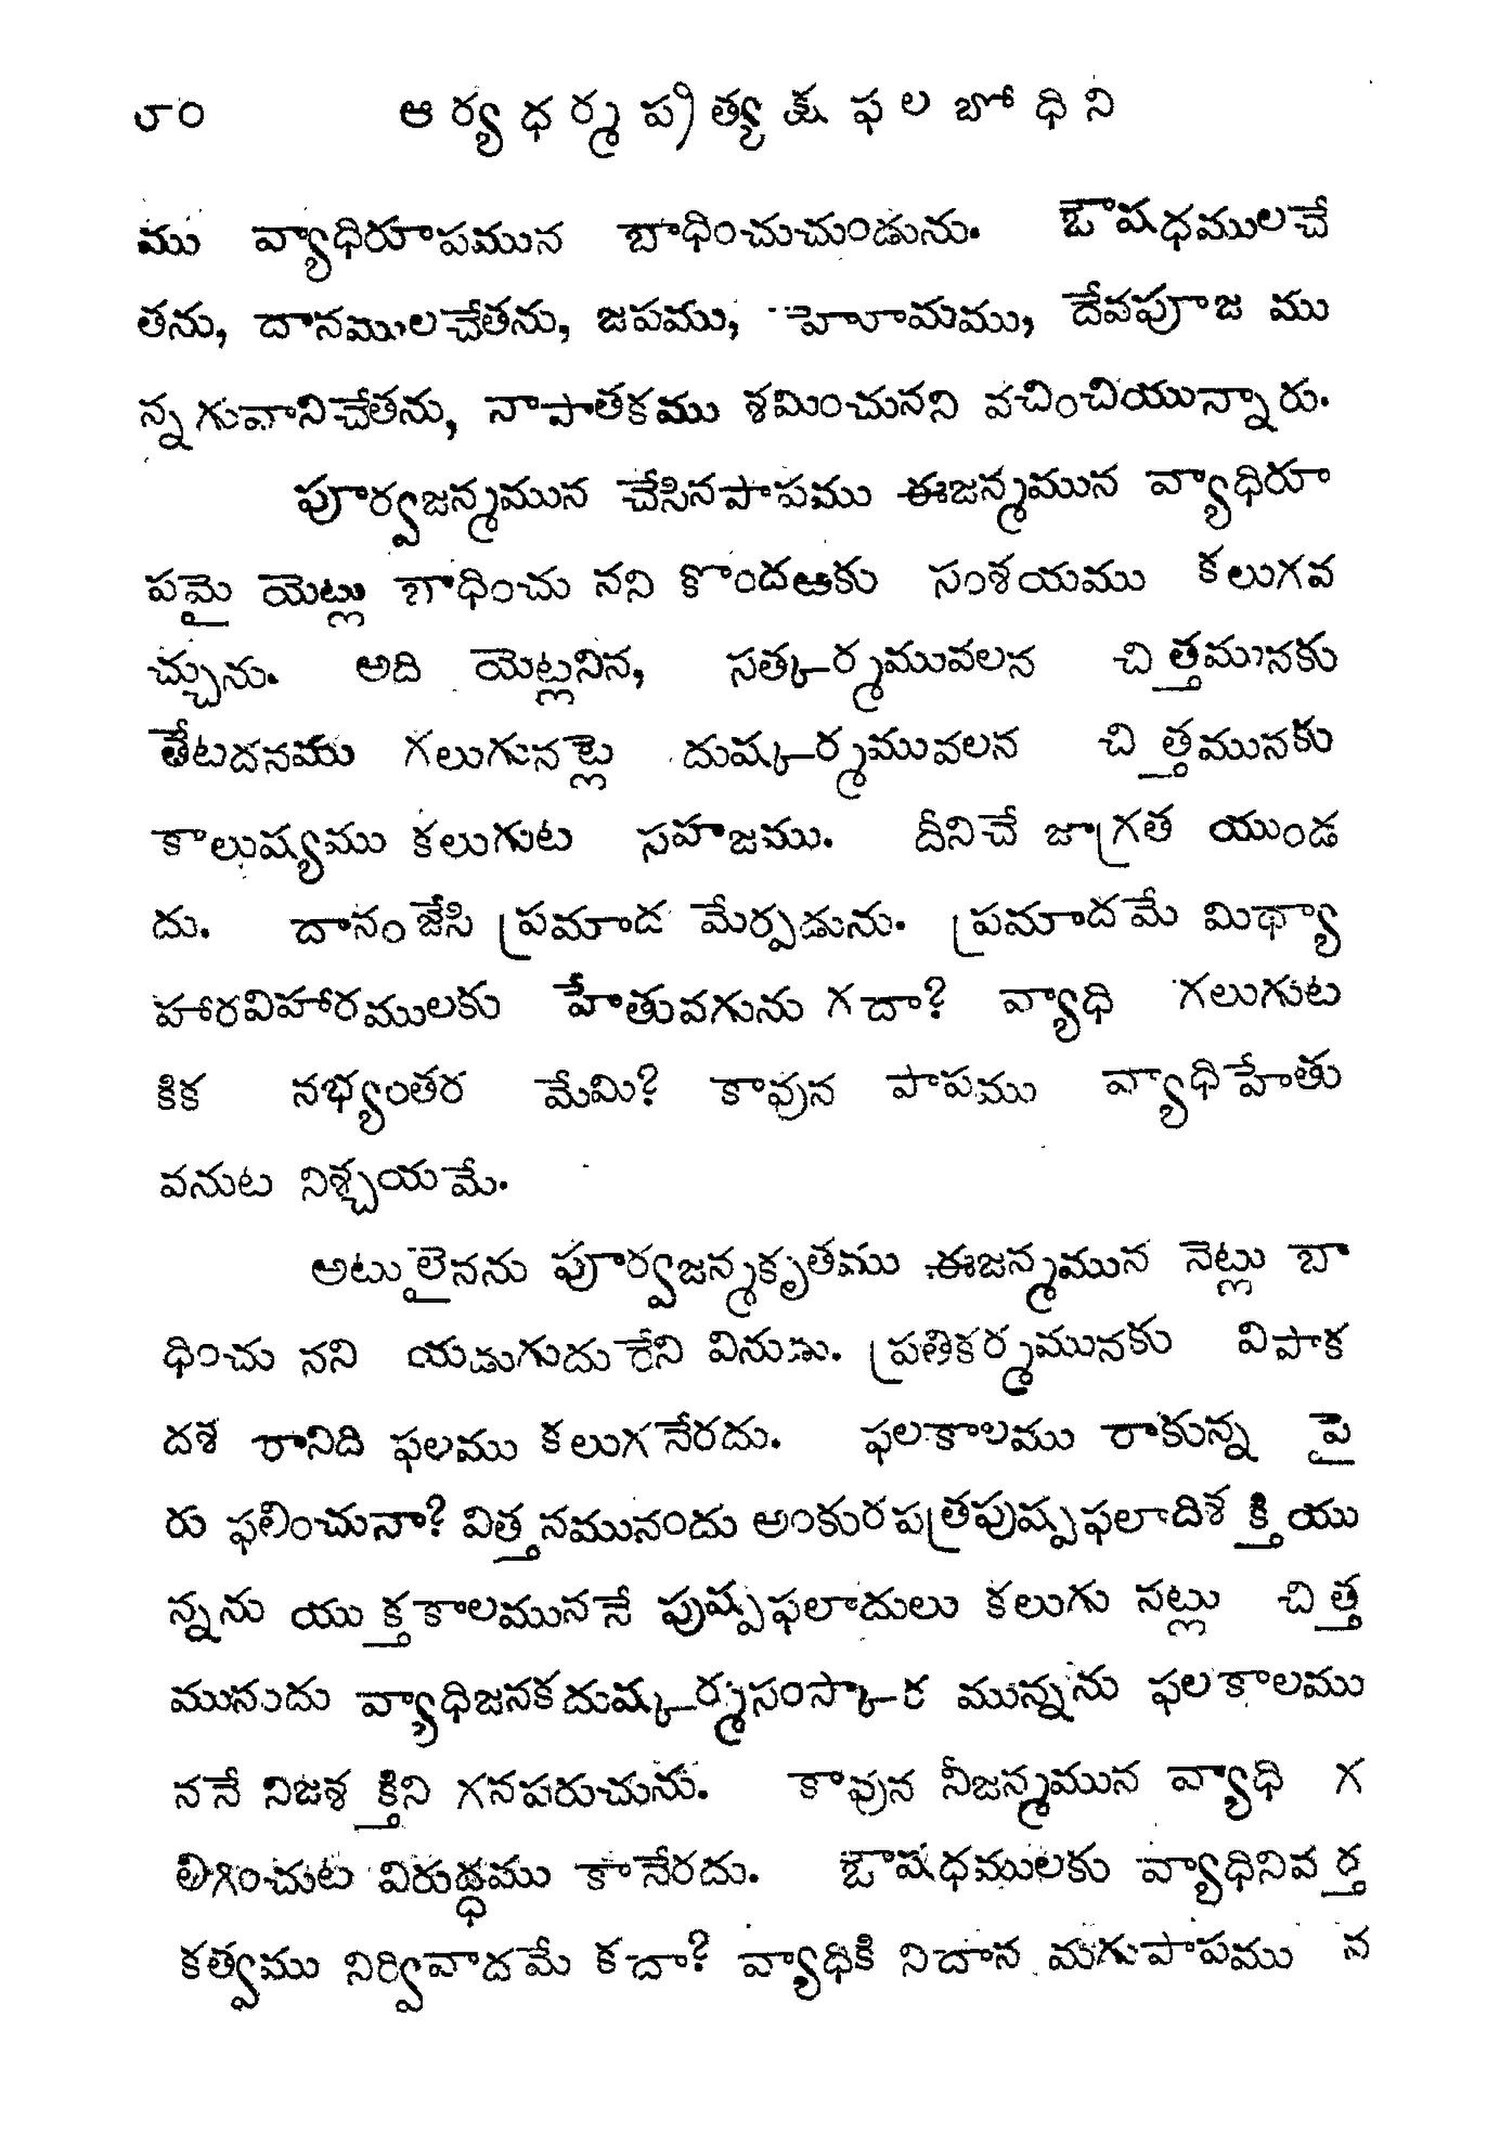ము వ్యాధిరూపమున బాధించుచుండును. ఔషధములచేతను, దానములచేతను, జపము, హెూమము, దేవపూజ మున్నగువానిచేతను, నాపాతకము శమించునని వచించియున్నారు.

పూర్వజన్మమున చేసినపాపము ఈజన్మమున వ్యాధిరూపమై యెట్లు బాధించు నని కొందఱకు సంశయము కలుగవచ్చును. అది యెట్లనిన, సత్కర్మమువలన చిత్తమునకు తేటదనము గలుగునట్లె దుష్కర్మమువలన చిత్తమునకు కాలుష్యము కలుగుట సహజము. దీనిచే జాగ్రత యుండదు. దానంజేసి ప్రమాద మేర్పడును. ప్రమాదమే మిథ్యాహారవిహారములకు హేతువగును గదా? వ్యాధి గలుగుట కిక నభ్యంతర మేమి? కావున పాపము వ్యాధి హేతువనుట నిశ్చయమే.

అటులైనను పూర్వజన్మకృతము ఈజన్మమున నెట్లు బాధించు నని యడుగుదు రేని వినుడు. ప్రతికర్మమునకు విపాకదశ రానిది ఫలము కలుగనేరదు. ఫలకాలము రాకున్న పైరు ఫలించునా? విత్తనమునందు అంకుర పత్రపుష్పఫలాదిశక్తియున్నను యుక్తకాలముననే పుష్పఫలాదులు కలుగు నట్లు చిత్తమునందు వ్యాధిజనకదుష్కర్మసంస్కార మున్నను ఫలకాలముననే నిజశక్తిని గనపరుచును. కావున నీజన్మమున వ్యాధి గలిగించుట విరుద్ధము కానేరదు. ఔషధములకు వ్యాధినివర్తకత్వము నిర్వివాదమే కదా? వ్యాధికి నిదాన మగు పాపము న